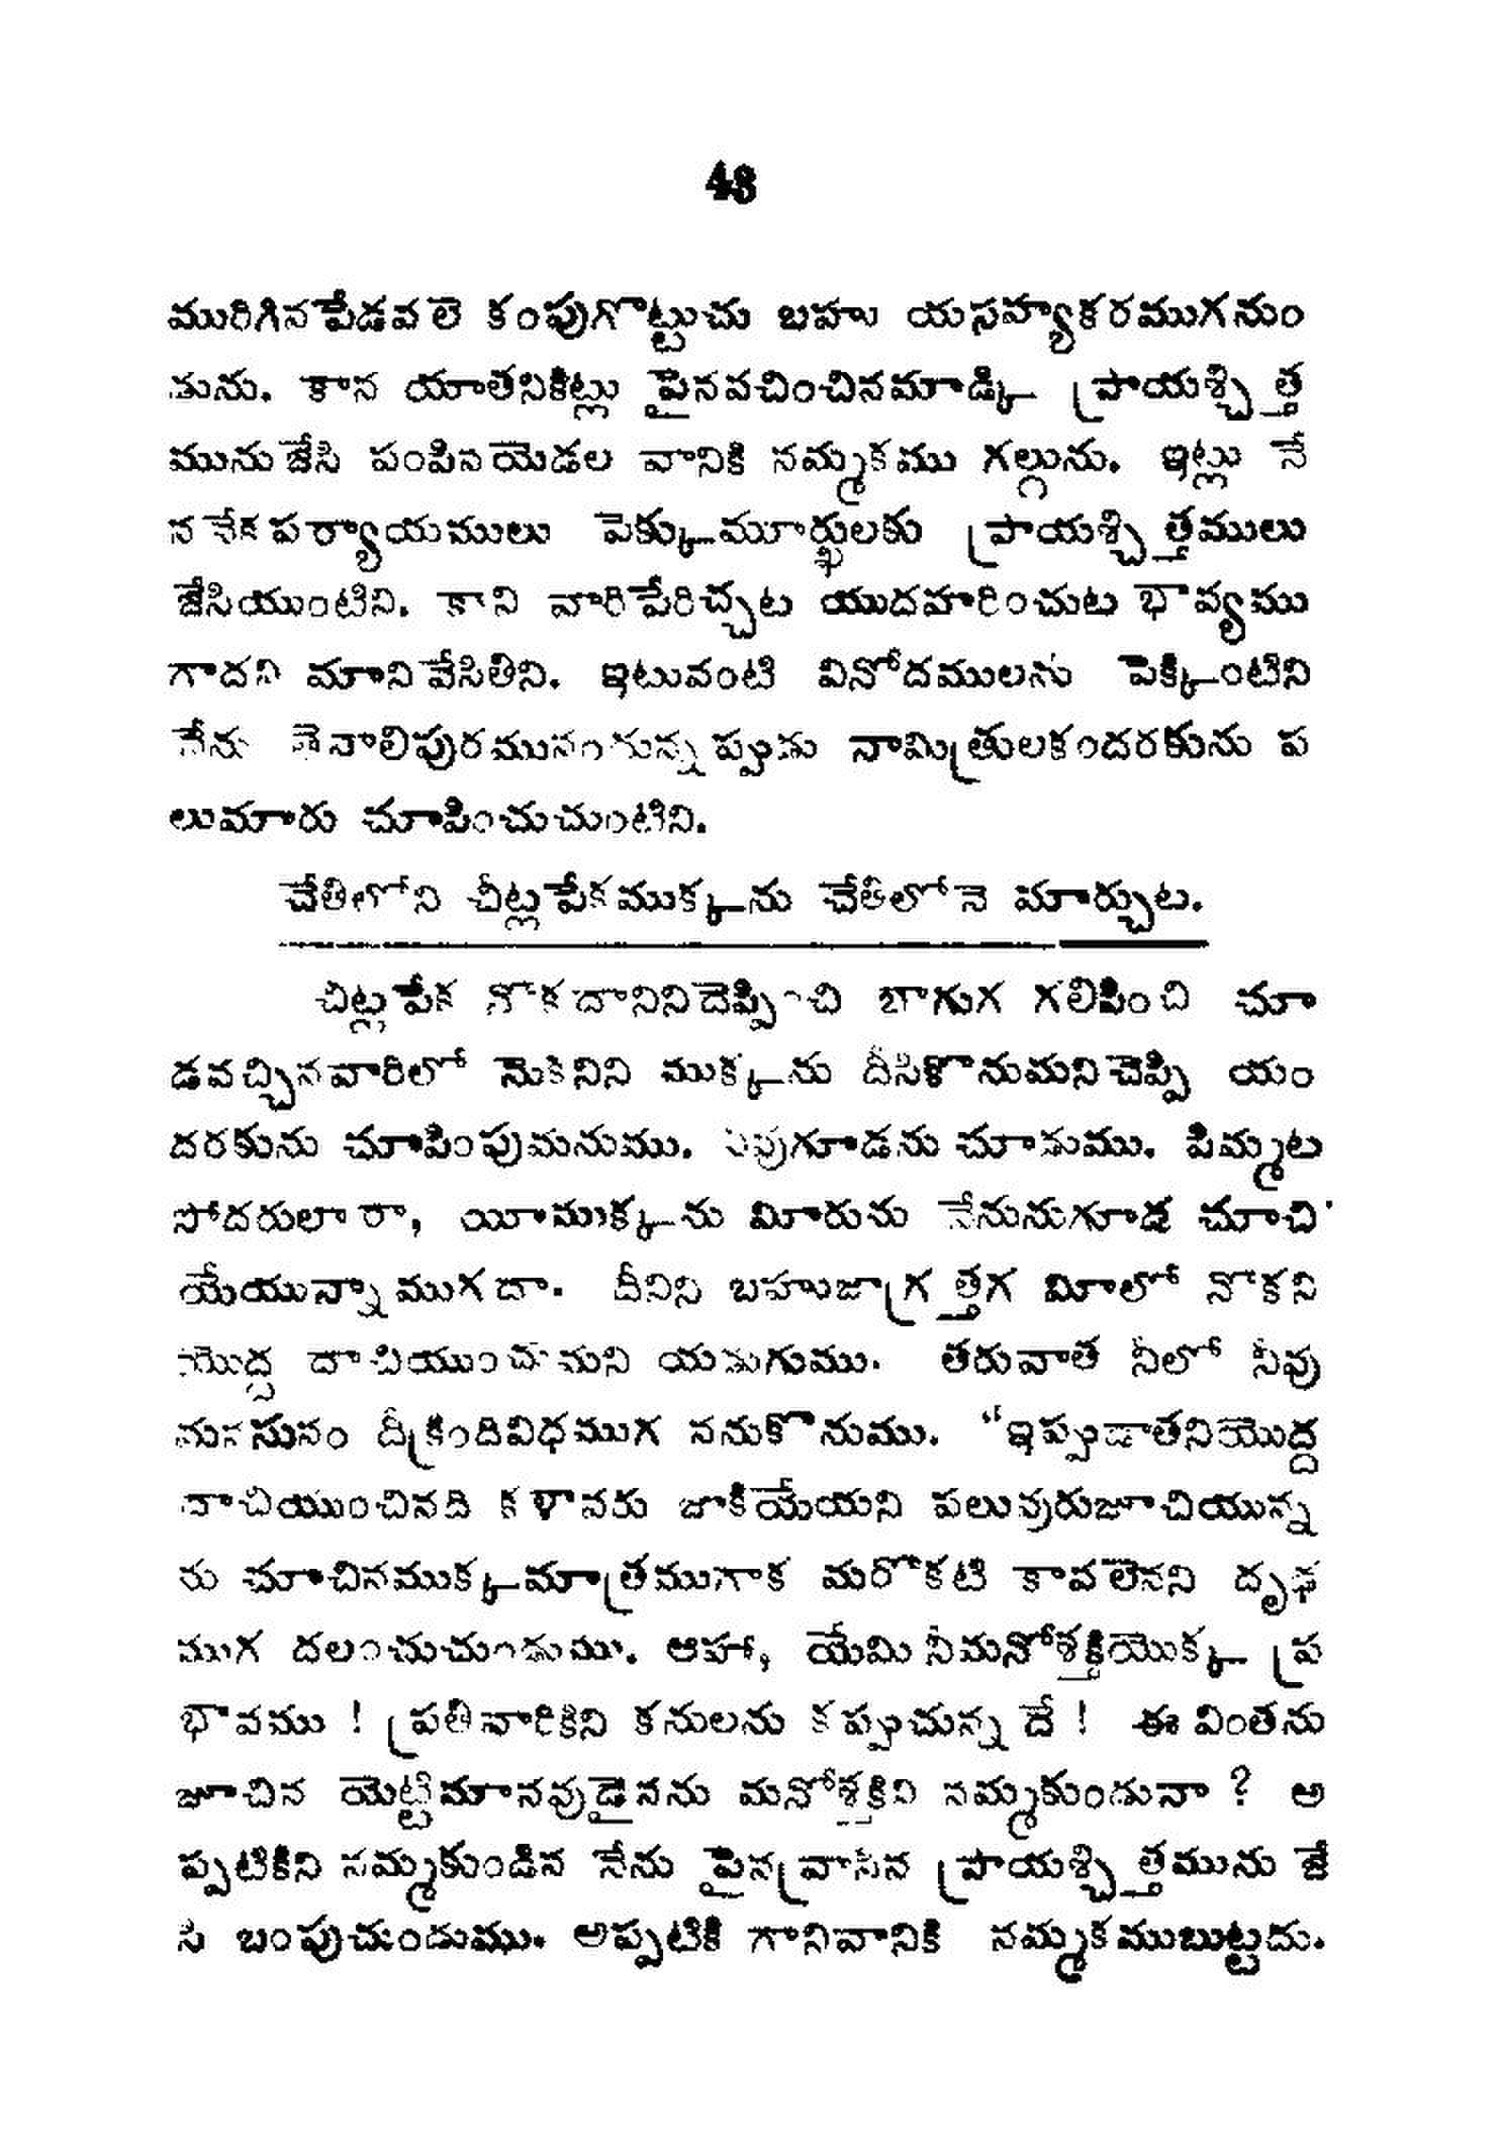మురిగిన పేడవలె కంపుగొట్టుచు బహు యసహ్యకరముగనుండును. కాన యాతనికిట్లు పైనవచించిన మాడ్కి ప్రాయశ్చిత్తమునుజేసి పంపినయెడల వానికి నమ్మకము గల్గును. ఇట్లు నేననేకపర్యాయములు పెక్కు మూర్ఖులకు ప్రాయశ్చిత్తములు జేసియుంటిని. కాని వారిపేరిచ్చట యుదహరించుట భావ్యము
గాదని మానివేసితిని. ఇటువంటి వినోదములను పెక్కింటిని నేను తెనాలిపురమునందున్నప్పుడు నామిత్రులకందరకును పలుమారు చూపించుచుంటిని.

చీట్లపేక నొకదానినిదెప్పించి బాగుగ గలిపించి చూడవచ్చినవారిలో నొకనిని ముక్కను దీసికొనుమని చెప్పి యందరకును చూపింపుమనుము. నీవుగూడను చూడుము. పిమ్మట సోదరులారా, యీముక్కను మీరును నేనునుగూడ చూచియేయున్నాముగదా. దీనిని బహుజాగ్రత్తగ మీలో నొకని
యొద్ద దాచియుంచుమని యడుగుము. తరువాత నీలో నీవు మనసునం దీక్రిందివిధముగ ననుకొనుము. "ఇప్పుడాతనియొద్ద దాచియుంచినది కళావరు జాకియేయని పలువురుజూచియున్నను చూచినముక్క మాత్రముగాక మరొకటి కావలెనని దృఢముగ దలంచుచుండుము. ఆహా, యేమి నీమనోశక్తి యొక్క ప్రభావము ! ప్రతివారికిని కనులను కప్పుచున్నదే ! ఈ వింతను జూచిన యెట్టిమానవుడైనను మనోశక్తిని నమ్మకుండునా ? అప్పటికిని నమ్మకుండిన నేను పైనవ్రాసిన ప్రాయశ్చిత్తమును జేసి బంపుచుండుము. అప్పటికి గానివానికి నమ్మకముబుట్టదు.